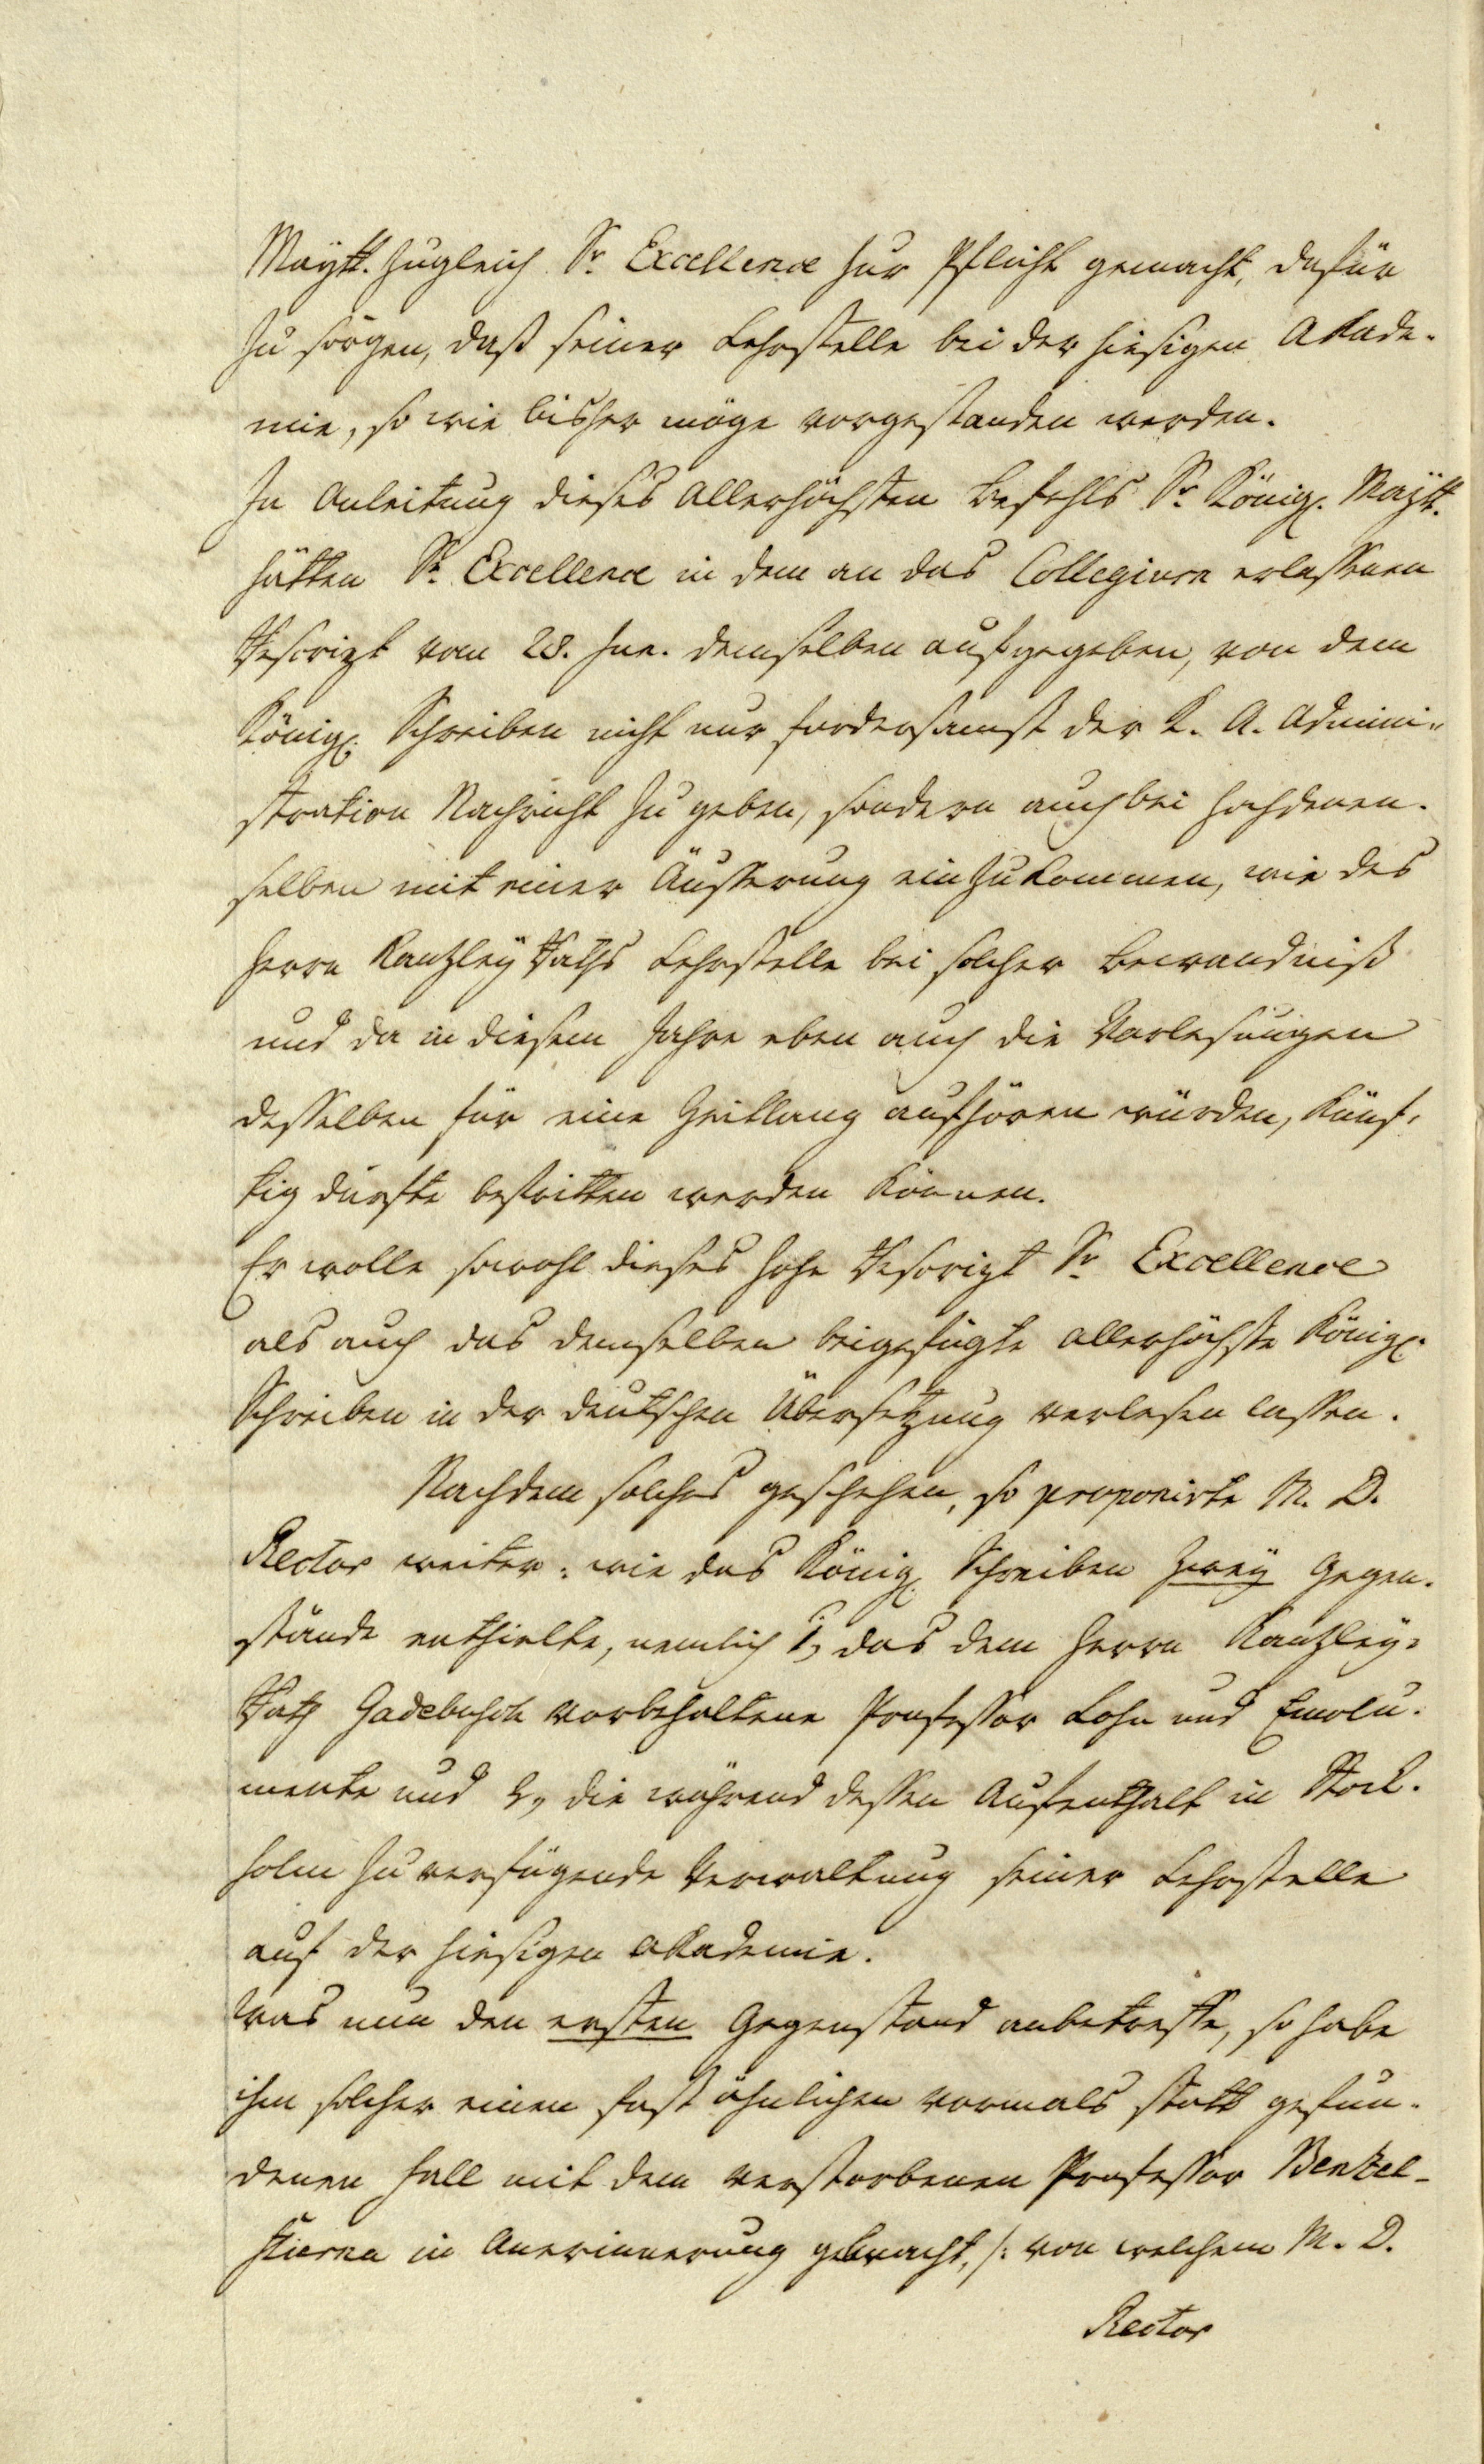Maÿtt. zugleich Sr. Excellence zur Pflicht gemacht, dafür
zu sorgen, daß seiner Lehrstelle bei der hiesigen Akade¬
mie, so wie bisher möge vorgestanden werden.
In Anleitung dieses allerhöchsten Befehls Sr. Königl. Maÿtt.
hätten Sr. Excellence in dem an das Collegium erlassene
Rescript vom 28. Jun. demselben aufgegeben, von dem
Königl. Schreiben nicht nur fordersamst der K. A. Admini¬
stration Nachricht zu geben, sondern auch bei hochdenen¬
selben mit einer Äusserung einzukommen, wie des
herrn Kanzleÿ Raths Lehrstelle bei solcher Bewandniß
und da in diesem Jahre eben auch die Vorlesungen
desselben für eine Zeitlang aufhören würden, künf¬
tig dürfte bestritten werden können.
Er wolle sowohl dieses hohe Rescript Sr. Excellence
als auch das demselben beigefügte allerhöchste Königl.
Schreiben in der deutschen Übersetzung verlesen lassen.
Nachdem solches geschehen, so proponirte M. D.
Rector weiter: wie das Königl. Schreiben Zweÿ Gegen¬
stände enthielte, nemlich 1., das dem herrn Kanzleÿ
Rath Gadebusch vorbehaltene Professor Lohn und Emolu¬
mente und 2., die während dessen Aufenthalt in Stock¬
holm zu verfügende Verwaltung seiner Lehrstelle
auf der hiesigen Akademie.
Was nun den ersten Gegenstand anbetreffe, so habe
ihm solcher einen fast ähnlichen vormals statt gefun¬
denen Fall mit dem verstorbenen Professor Benzel¬
stierna in Anerinnerung gebracht, / von welchem M. D.
Rector